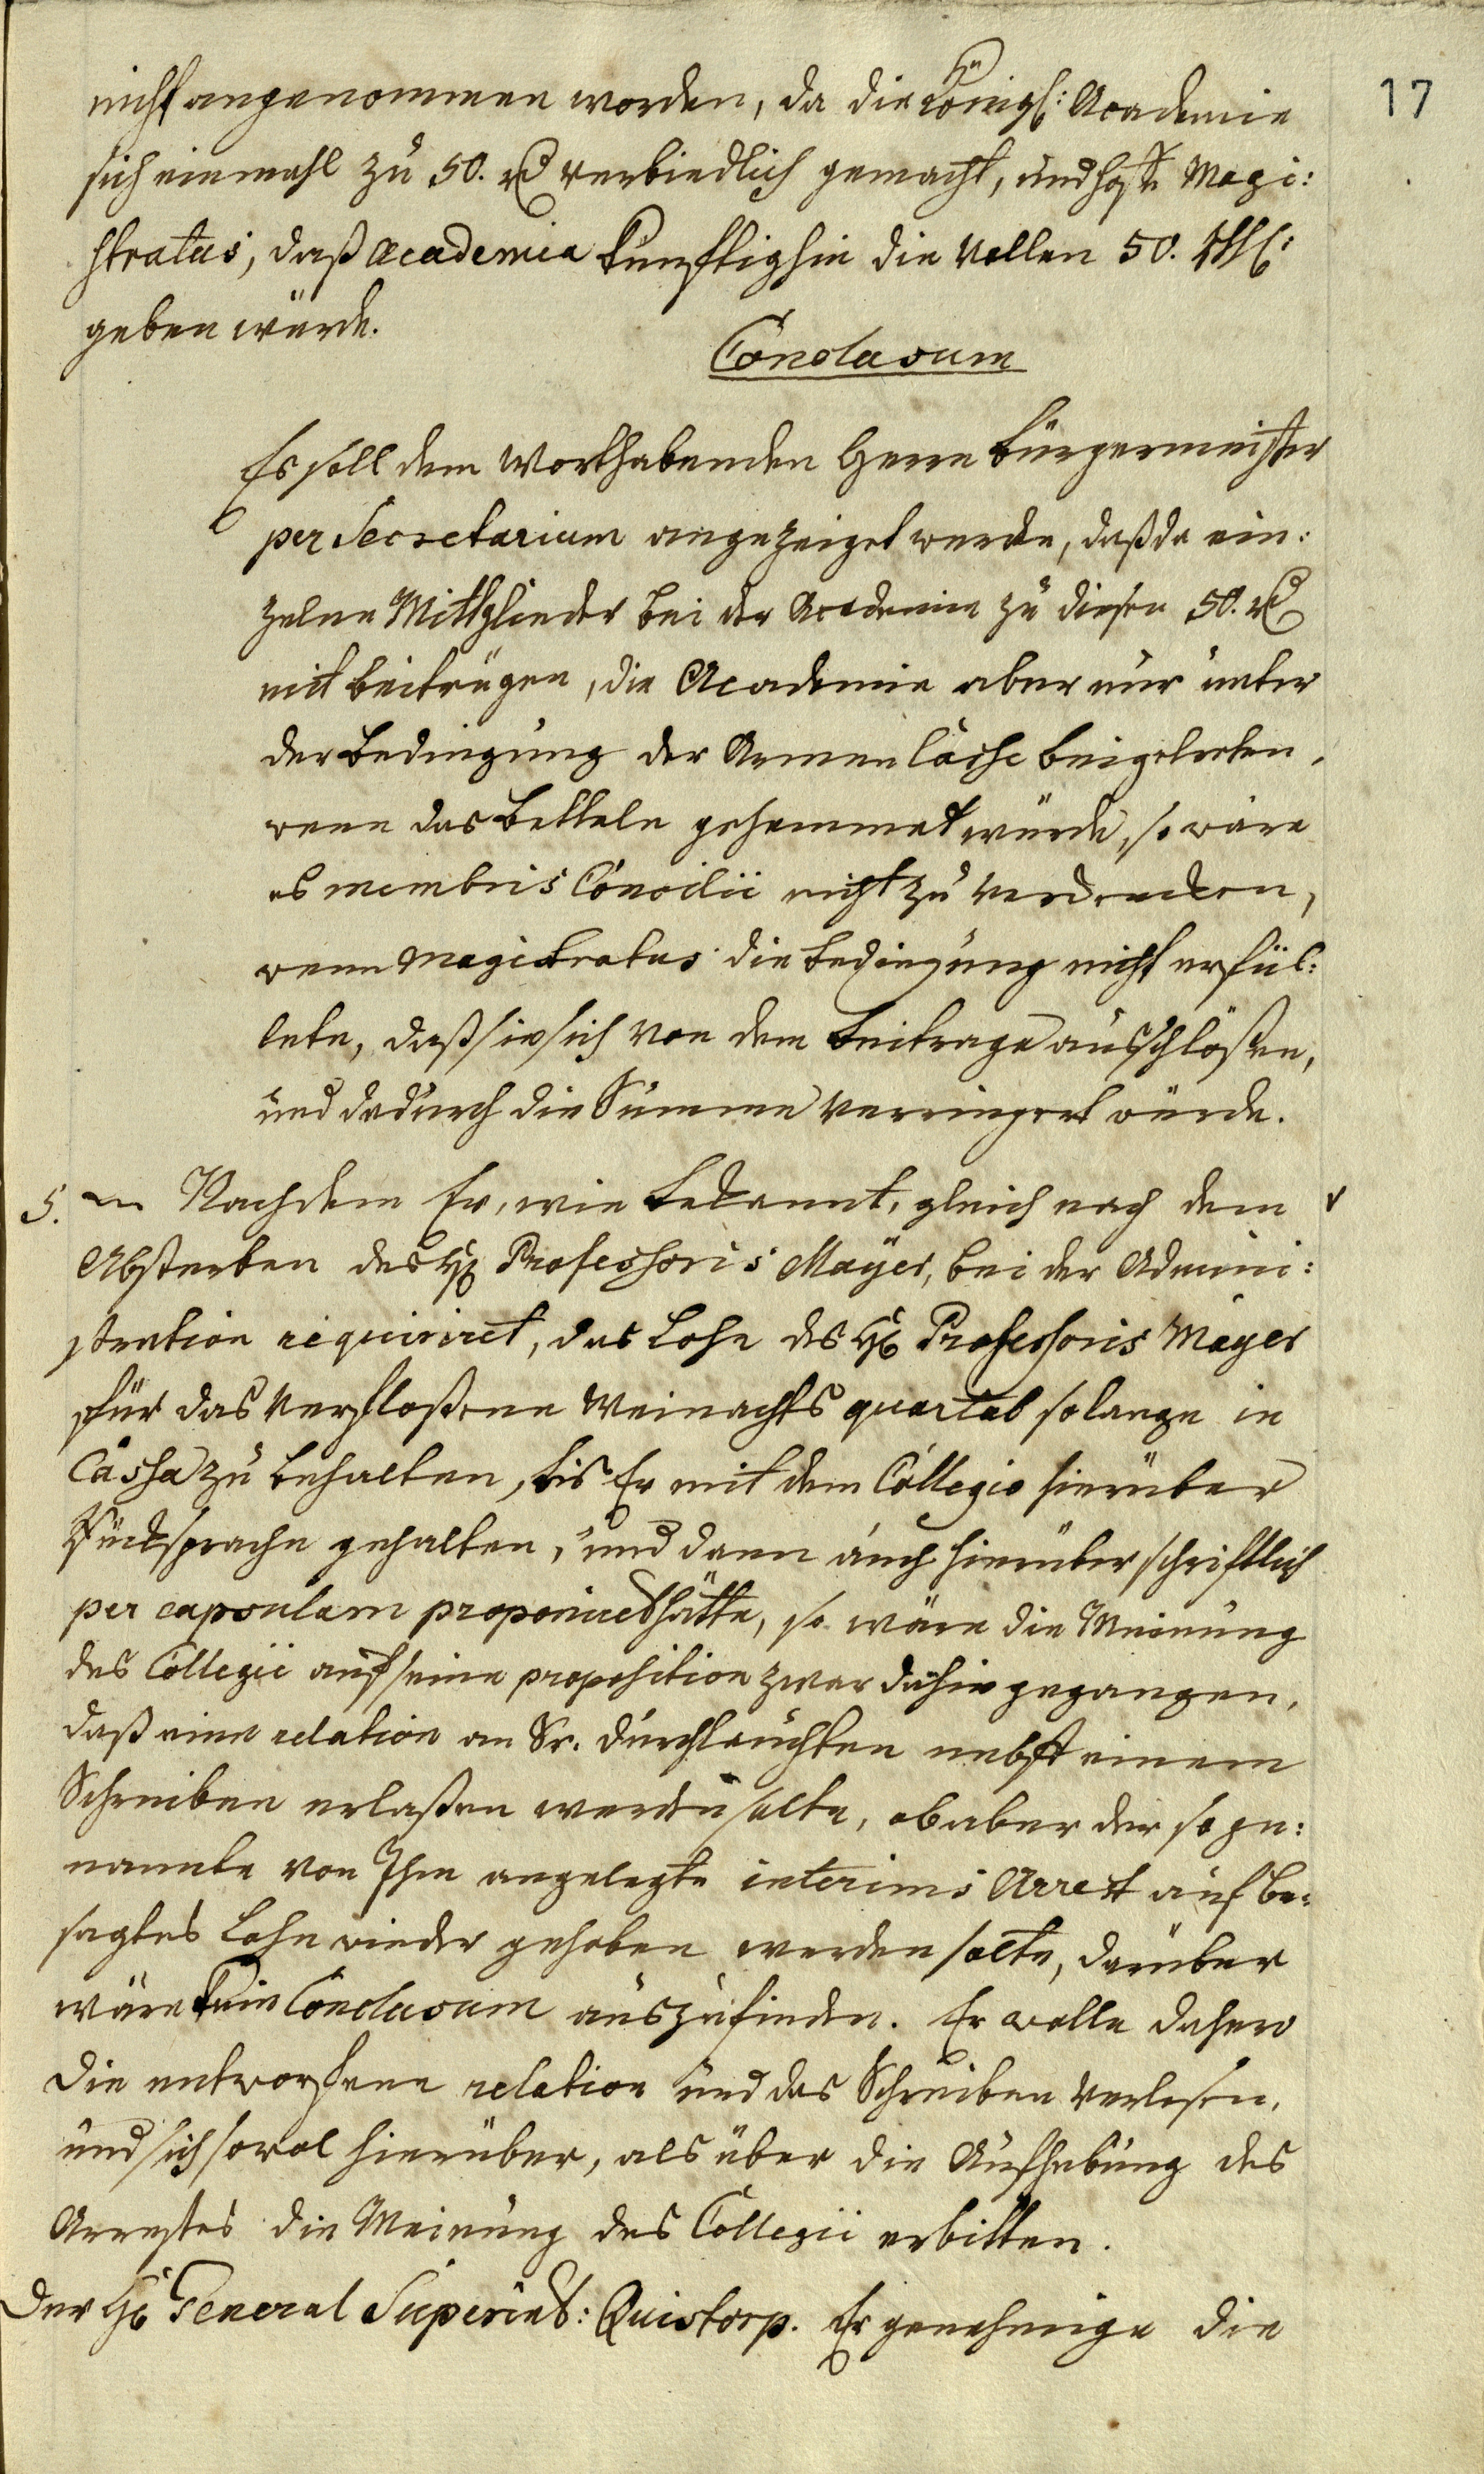nicht angenommen worden, da die Königl. Academie
sich einmahl zu 50. r. verbindlich gemacht, und hoffe Magi¬
stratus, daß Academia künftighin die vollen 50. R.
geben würde.
Conclusum
Es soll dem worthabenden Herrn Bürgermeister
per Secretarium angezeiget werden, daß da ein¬
zelne Mittglieder bei der Academie zu diesen 50. r.
mit beitrügen, die Academie aber nur unter
der Bedingung der ArmenCasse beigetreten,
wenn das Betteln gehemmet würde, so wäre
es membris Concilii nicht zu verdencken,
wenn Magistratus die Bedingung nicht erfül¬
lete, daß sie sich von dem Beitrage ausschlößen,
und dadurch die Summe verringert würde.
5. Nachdem Er, wie bekannt, gleich nach dem
Absterben des H. Professoris Maÿer, bei der Admini¬
stration requiriret, das Lohn des H. Professoris Maÿer
für das verfloßene Weinachtsquartal solange in
Cassa zu behalten, bis Er mit dem Collegio hierüber
Rücksprache gehalten, und dann auch hierüber schriftlich
per capsulam proponiret hätte, so wäre die Meinung
des Collegii auf seine proposition zwar dahin gegangen,
daß eine relation an Sr. Durchlauchten nebst einem
Schreiben erlaßen werden solte, ob aber der so ge¬
nannte von Ihm angelegte interims Arrest auf be¬
sagtes Lohn wieder gehoben werden solte, darüber
wäre kein Conclusum auszufinden. Er wolle dahero
die entworfene relation und das Schreiben verlesen,
und sich sowol hierüber, als über die Aufhebung des
Arrestes die Meinung des Collegii erbitten.
Der H. General Superint. Quistorp. Er genehmige die